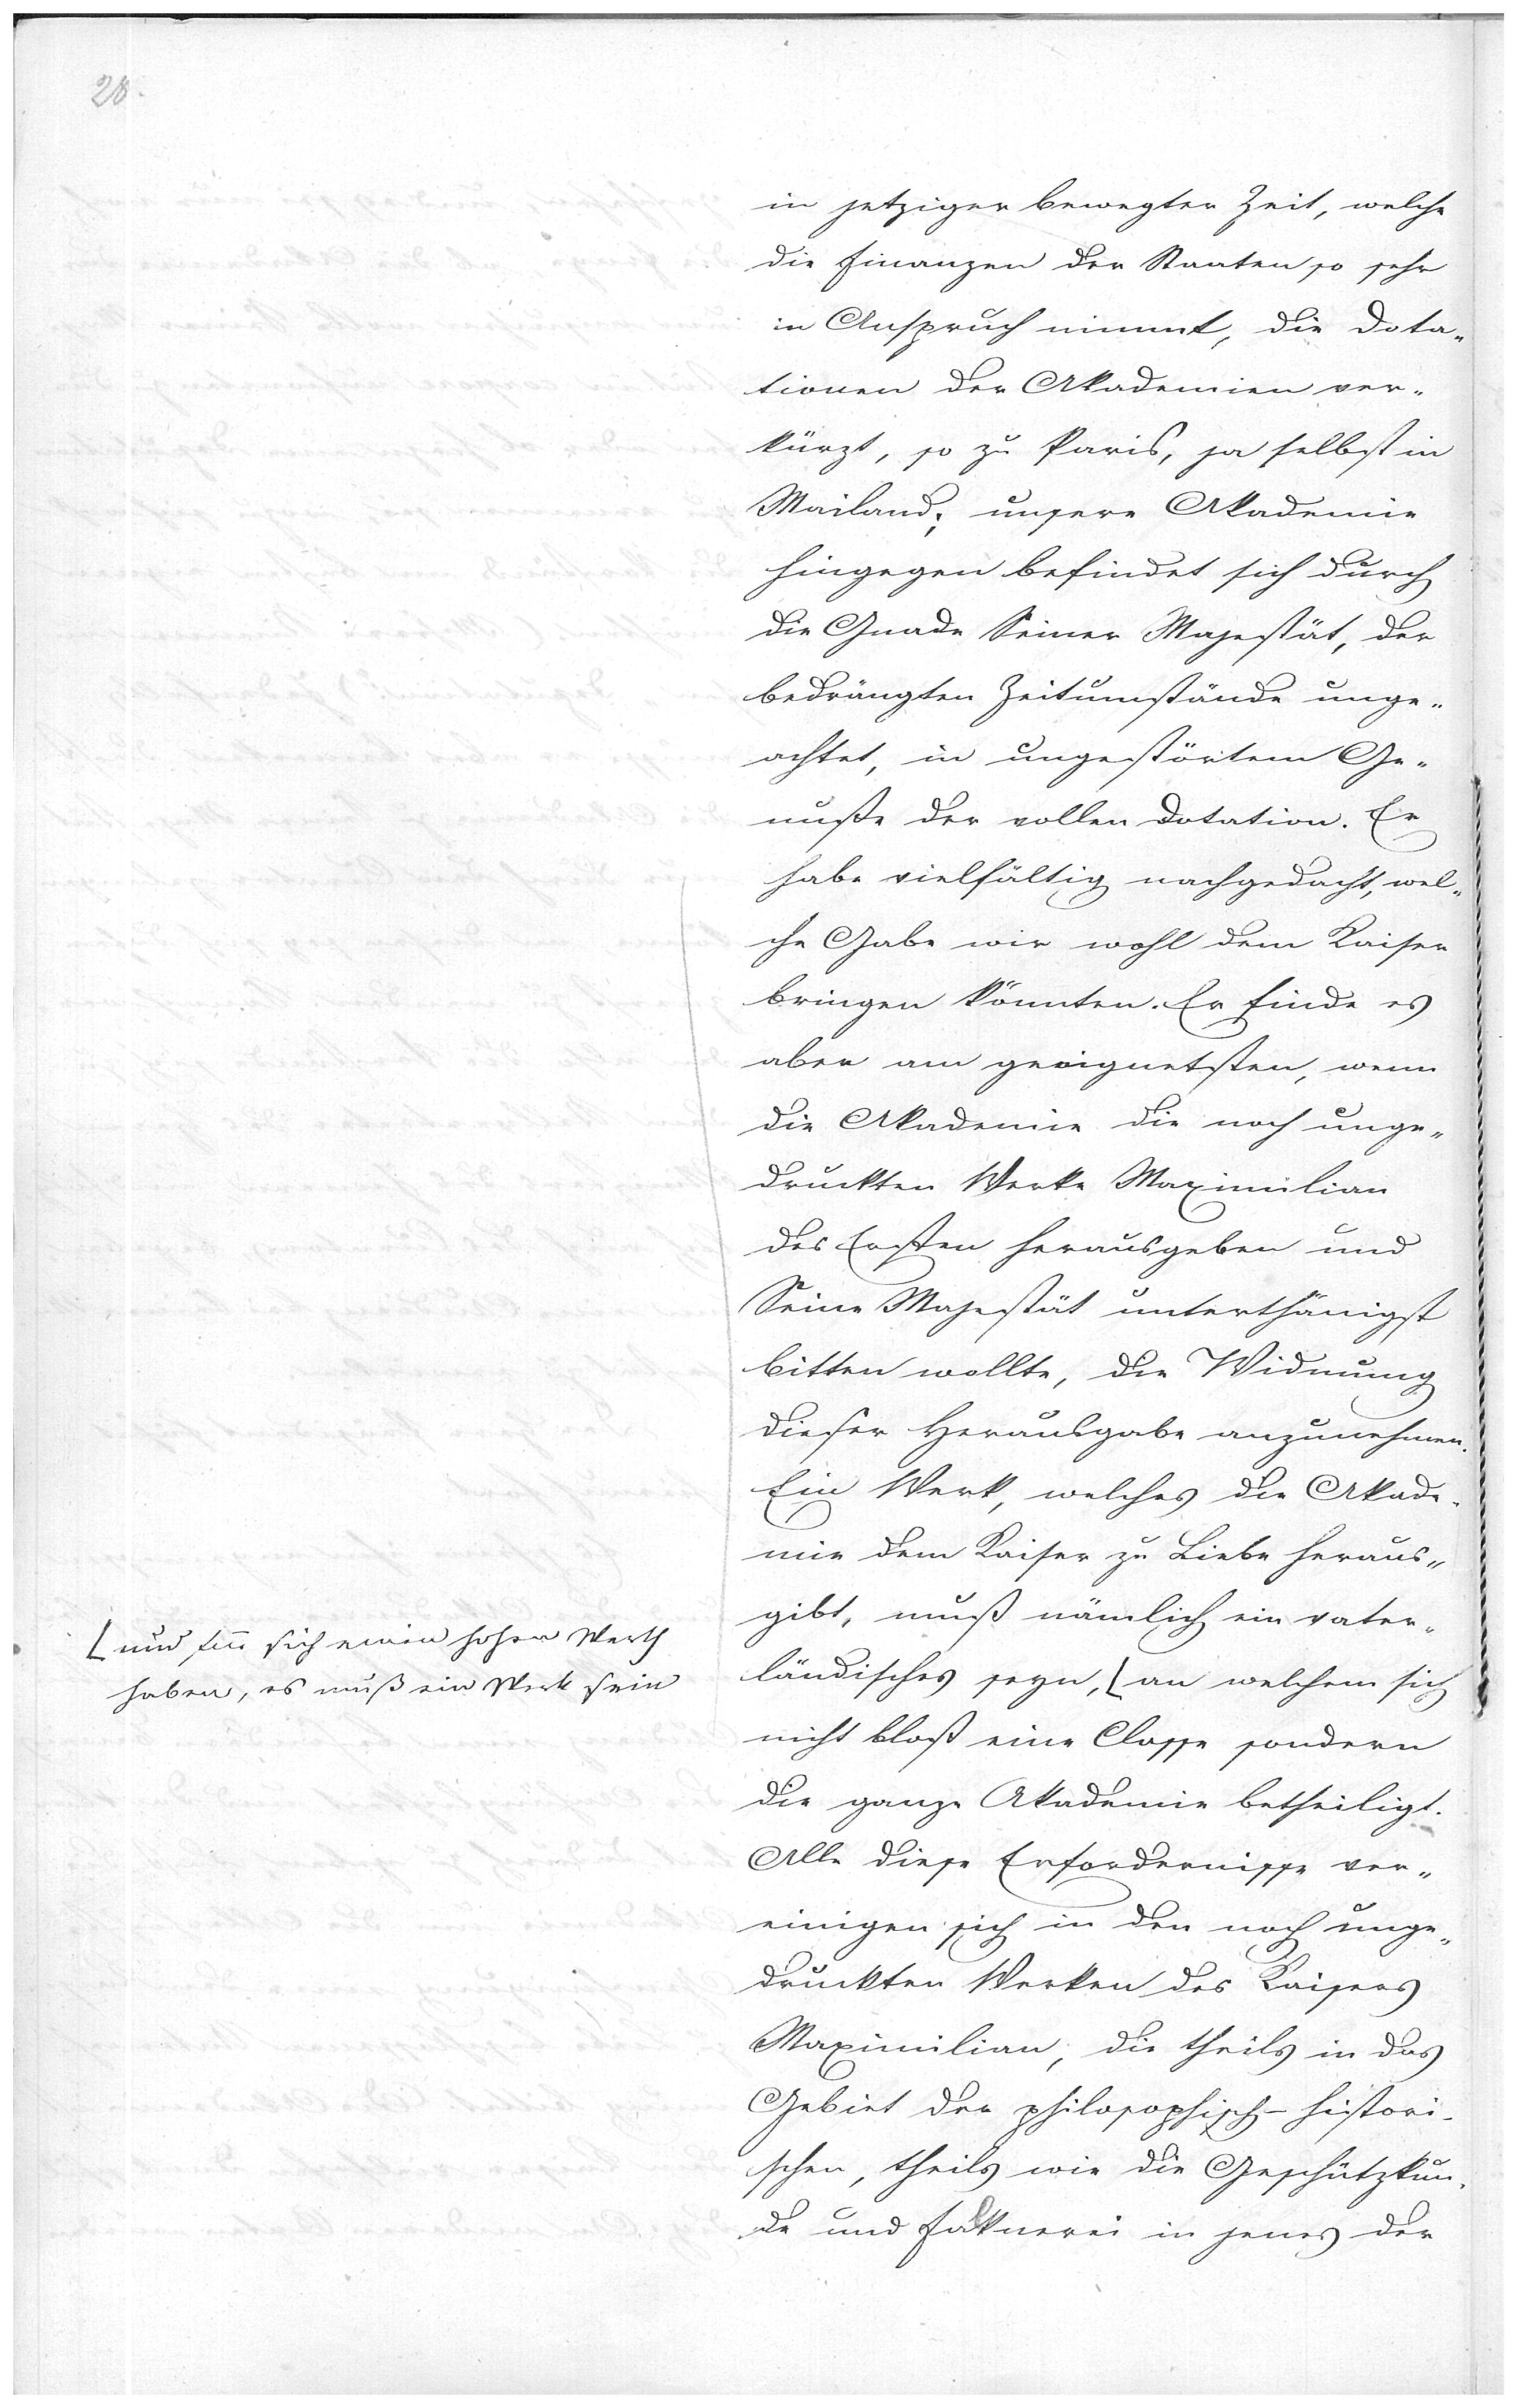in jetziger bewegter Zeit, welche
die Finanzen der Staaten so sehr
in Anspruch nimmt, die Dota-
tionen der Akademien ver-
kürzt, so zu Paris, ja selbst in
Mailand; unsere Akademie
hingegen befindet sich durch
die Gnade Seiner Majestät, der
bedrängten Zeitumstände unge-
achtet, in ungestörtem Ge-
nuße der vollen Dotation. Er
habe vielfältig nachgedacht, wel-
che Gabe wir wohl dem Kaiser
bringen könnten. Er finde es
aber am geeignetsten, wenn
die Akademie die noch unge-
druckten Werken Maximilian
des Ersten herausgeben und
Seine Majestät unterthänigst
bitten wollte, die Widmung
dieser Herausgabe anzunehmen.
Ein Werk, welches die Akade-
mie dem Kaiser zu Liebe heraus-
gibt, muß nämlich ein vater-
ländisches seyn, an welchem sich
nicht bloß eine Classe sondern
die ganze Akademie betheiligt.
Alle diese Erfordernisse ver-
einigen sich in den noch unge-
druckten Werken des Kaisers
Maximilian, die theils in das
Gebiet der philosophisch-histori-
schen, theils wie die Geschützkun-
de und Falknerei in jene der
und für sich einen hohen Werth
haben, es muß ein Werk sein